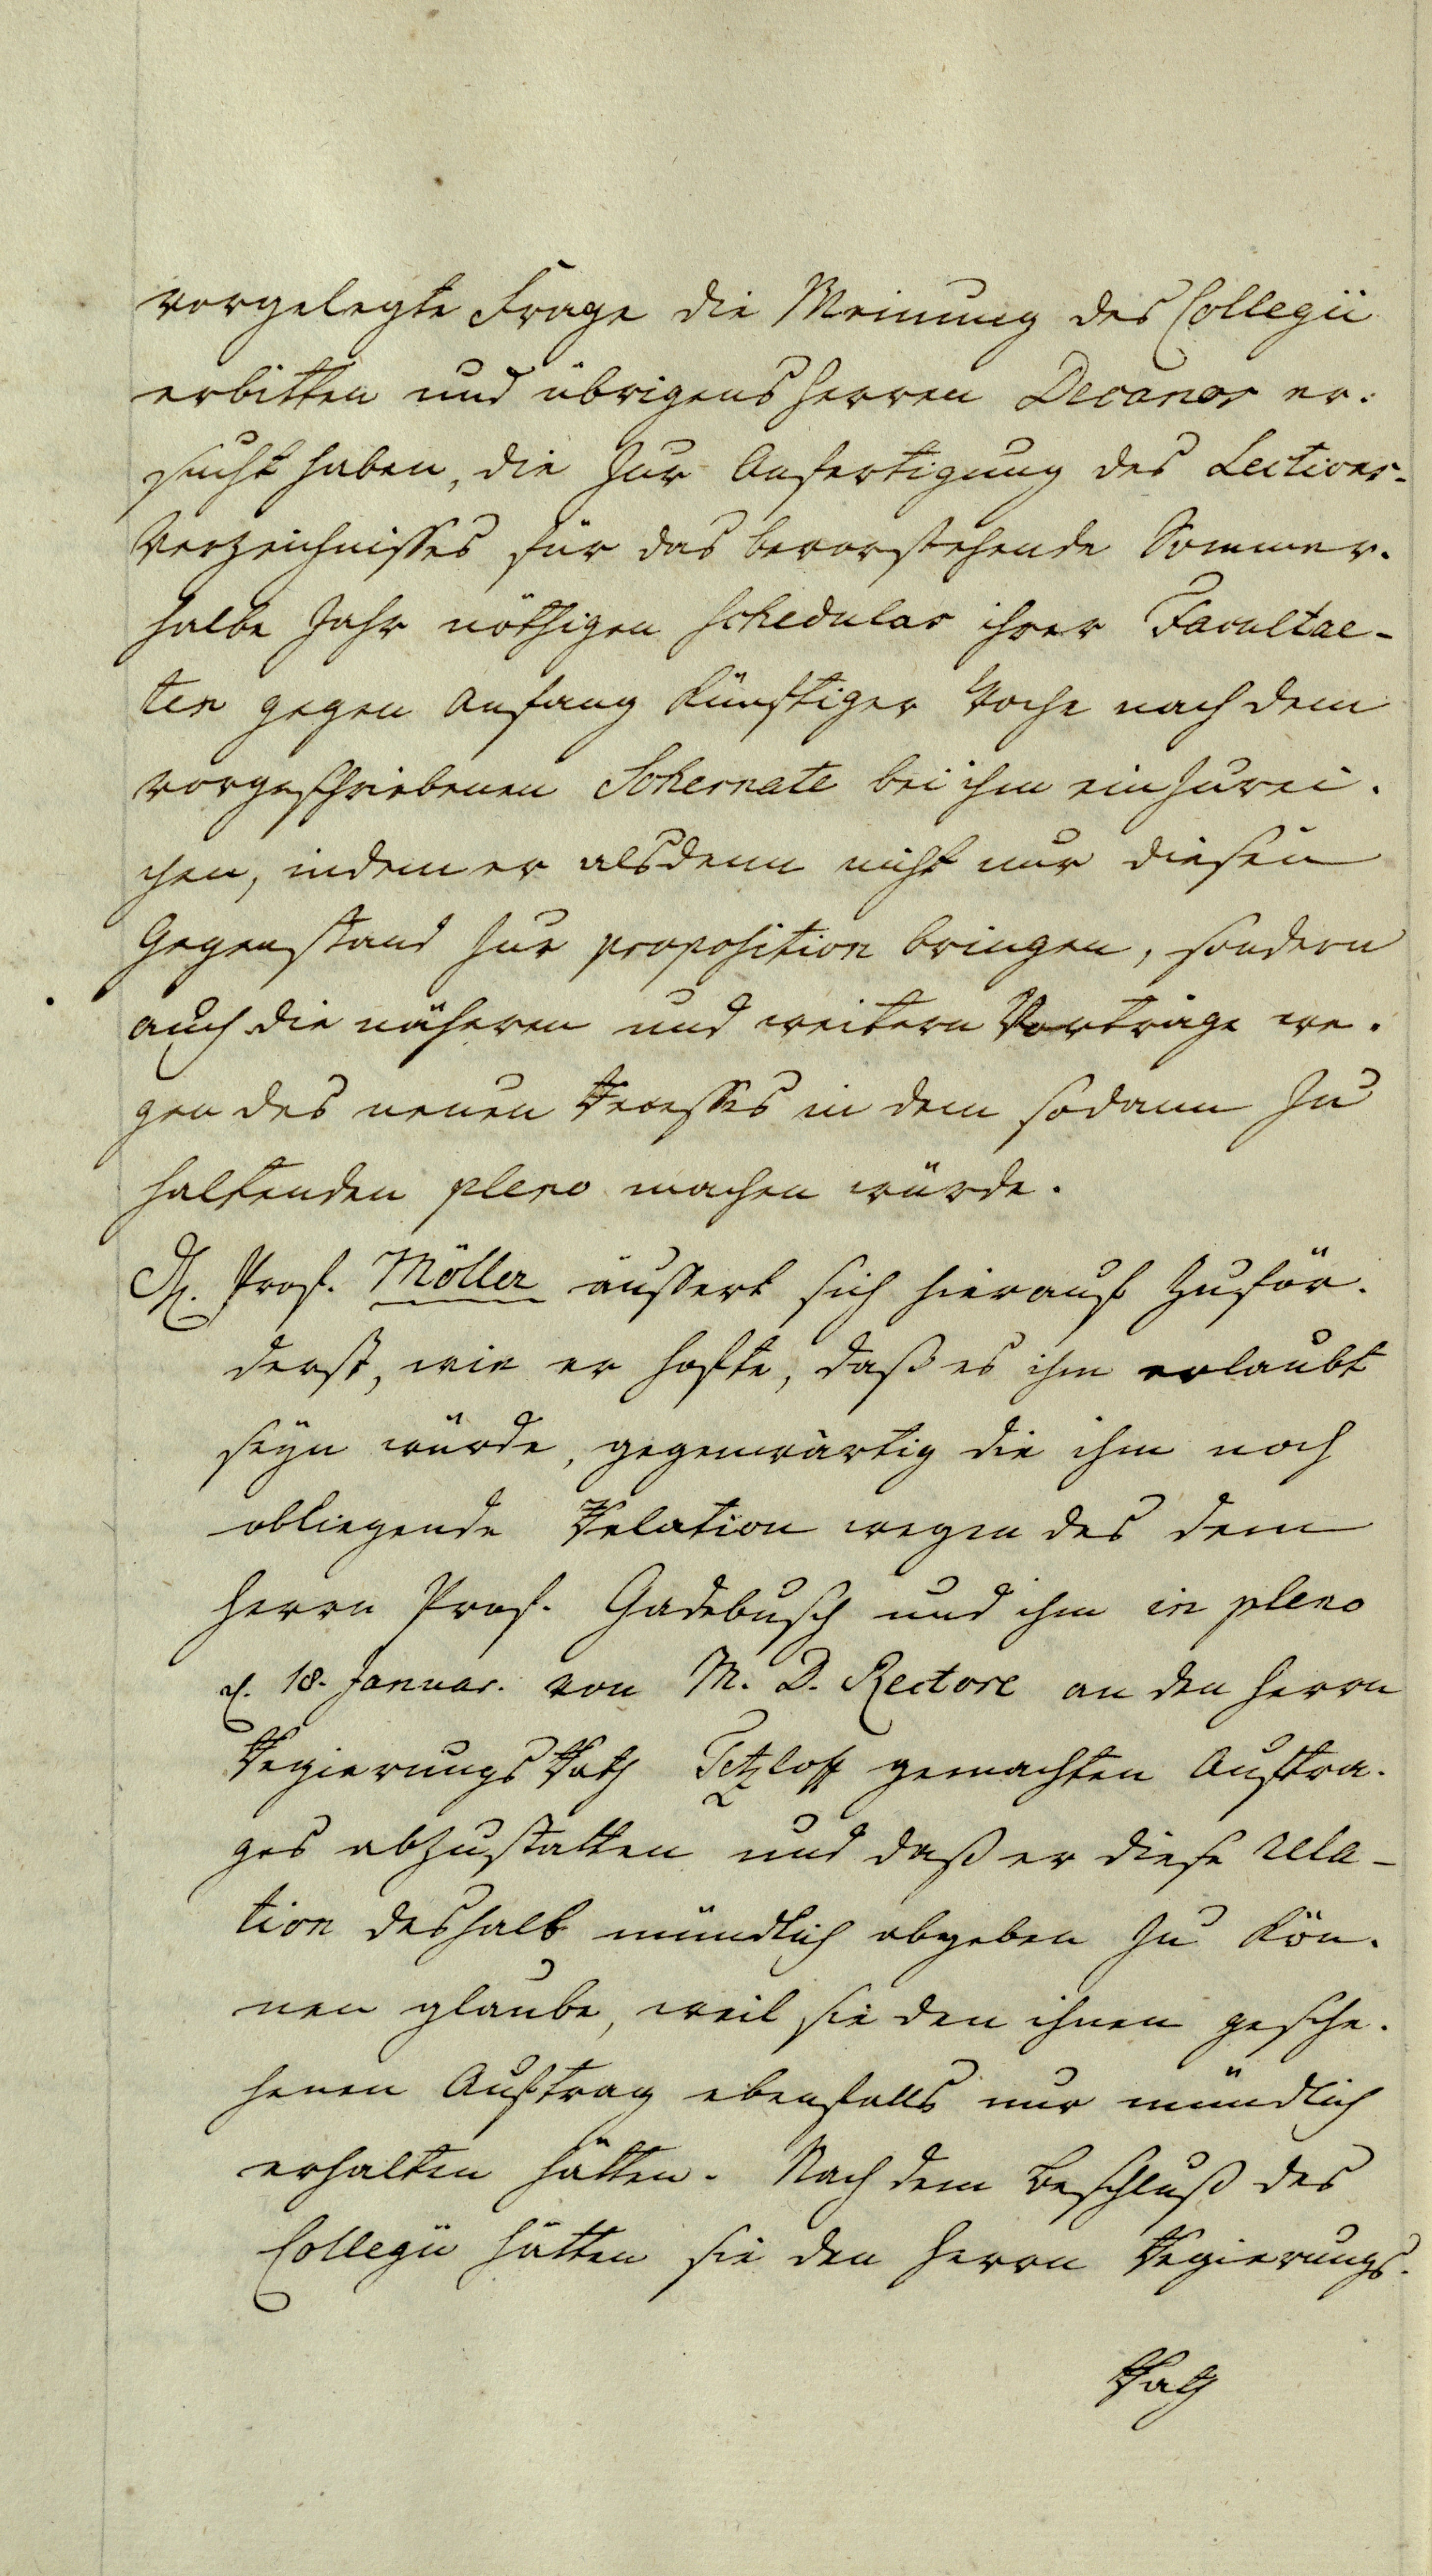vorgelegte Frage die Meinung des Collegii
erbitten und übrigens Herren Decanos er¬
sucht haben, die zur Anfertigung des Lections¬
Verzeichnisses für das bevorstehende Sommer¬
halbe Jahr nöthigen Schedulas ihrer Facultae¬
ten gegen Anfang künftiger Woche nach dem
vorgeschriebenen Schemate bei ihm einzurei¬
chen, indem er alsdenn nicht nur diesen
Gegenstand zur proposition bringen, sondern
auch die näheren und weitern Vorträge we¬
gen des neuen Recesses in dem sodann zu
haltenden pleno machen würde.
dh. Prof. Möller äussert sich hierauf zuför¬
derst, wie er hofte, daß es ihm erlaubt
seÿn würde, gegenwärtig die ihm noch
obliegende Relation wegen des dem
Herrn Prof. Gadebusch und ihm in pleno
d. 18. Januar. von M. D. Rectore an den Herrn
Regierungs Rath Tetzloff gemachten Auftra¬
ges abzustatten und daß er diese rela¬
tion deshalb mündlich abgeben zu kön¬
nen glaube, weil sie den ihnen gesche¬
henen Auftrag ebenfalls nur mündlich
erhalten hätten. Nach dem Beschluß des
Collegii hätten sie den Herrn Regierungs¬
Rath